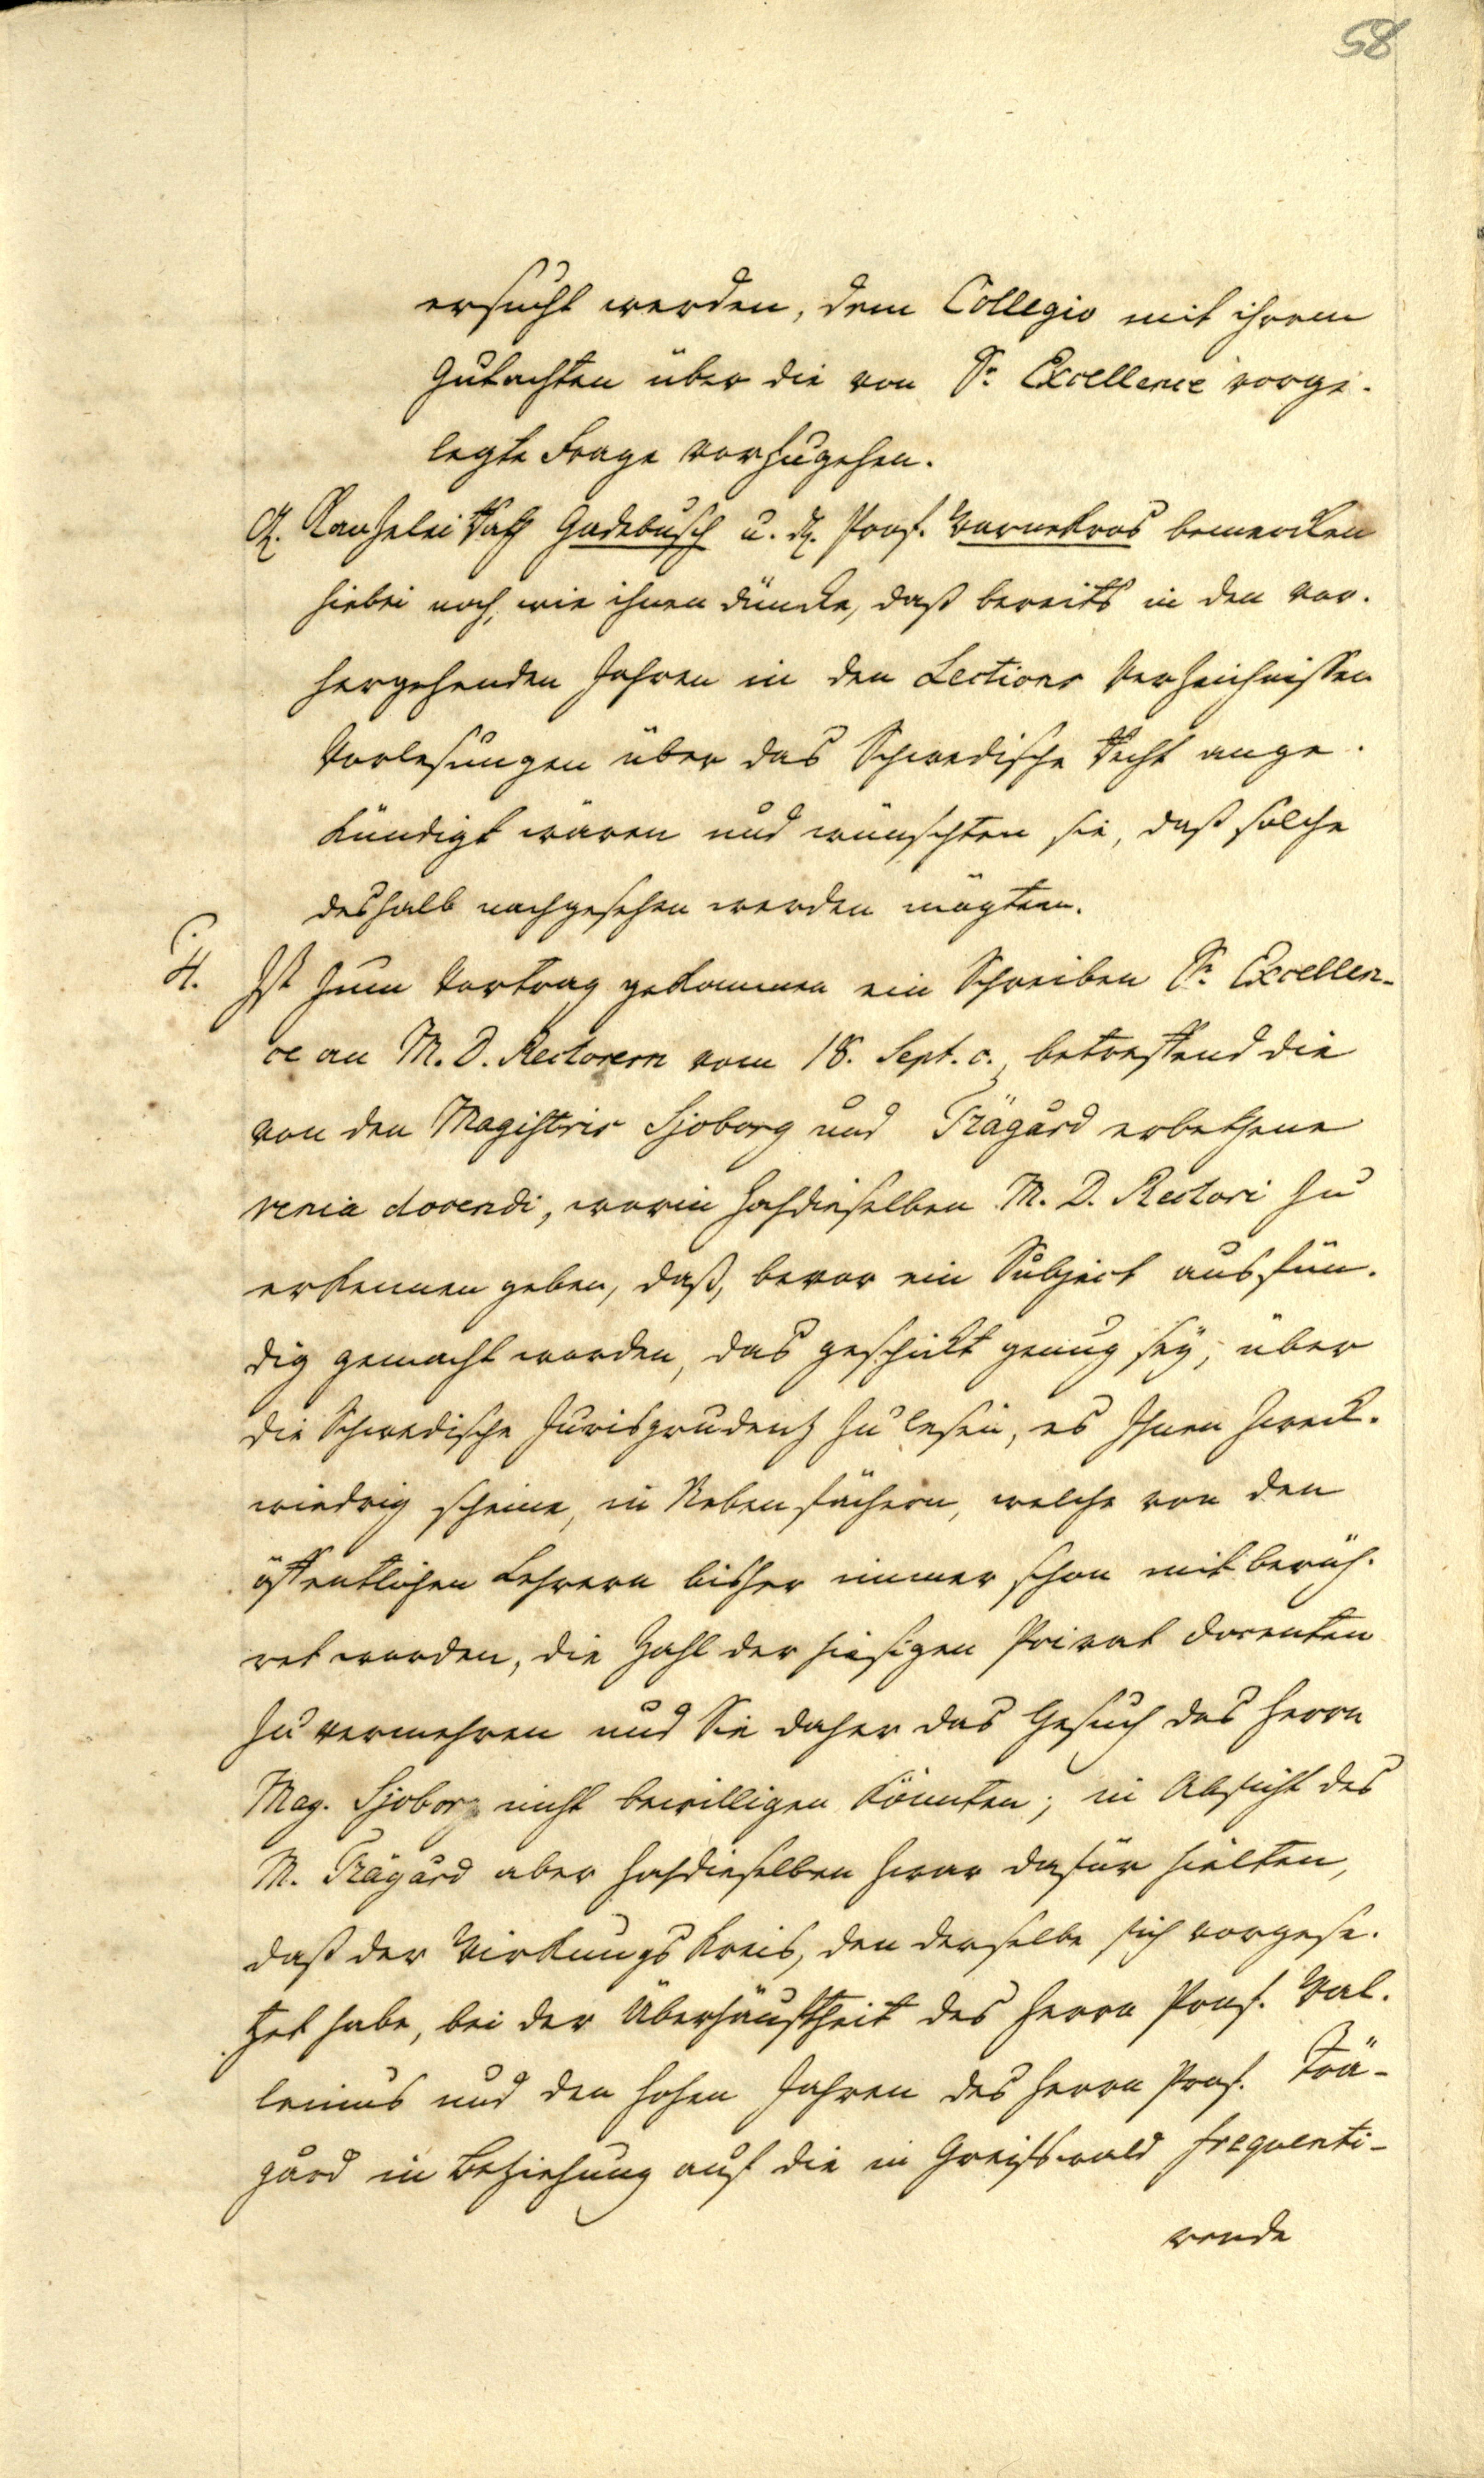ersucht werden, dem Collegio mit ihrem
Gutachten über die von Sr Excellence vorge¬
legte Frage vorzugehen.
dh. Kanzelei Rath Gadebusch u. dh. Prof. Warnekros bemercken
hiebei noch, wie ihnen düncke, daß bereits in den vor¬
hergehenden Jahren in den Lections Verzeichnissen
Vorlesungen über das Schwedische Recht ange¬
kündigt wären und wünschten sie, daß solche
deshalb nachgesehen werden mögten.
Ist zum Vortrag gekommen ein Schreiben Sr Excellen¬
ce an M. D. Rectorem vom 18. Sept. c. betreffend die
von den Magistris Sjoborg und Trägård erbethene
venia docendi, worin Hochdieselben M. D. Rectori zu
erkennen geben, daß, bevor ein Subject ausfün¬
dig gemacht werden, das geschickt genug seÿ, über
die Schwedische Jurisprudenz zu lesen, es Ihnen Zweck¬
wiedrig scheine, in Nebenfächern, welche von den
öffentlichen Lehrern bisher immer schon mit berüh¬
ret werden, die Zahl der hiesigen Privat Docenten
zu vermehren und Sie daher das Gesuch des Herrn
Mag. Sjoborg nicht bewilligen könnten; in Absicht des
M. Trägård aber hochdieselben zwar dafür hielten,
daß der Wirkungs kreis, den derselbe sich vorgese¬
tzet habe, bei der Überhäuftheit des Herrn Prof. Wal¬
lenius und den hohen Jahren des Herrn Prof. Trä¬
gård in Beziehung auf die in Greifswald frequenti-
rende